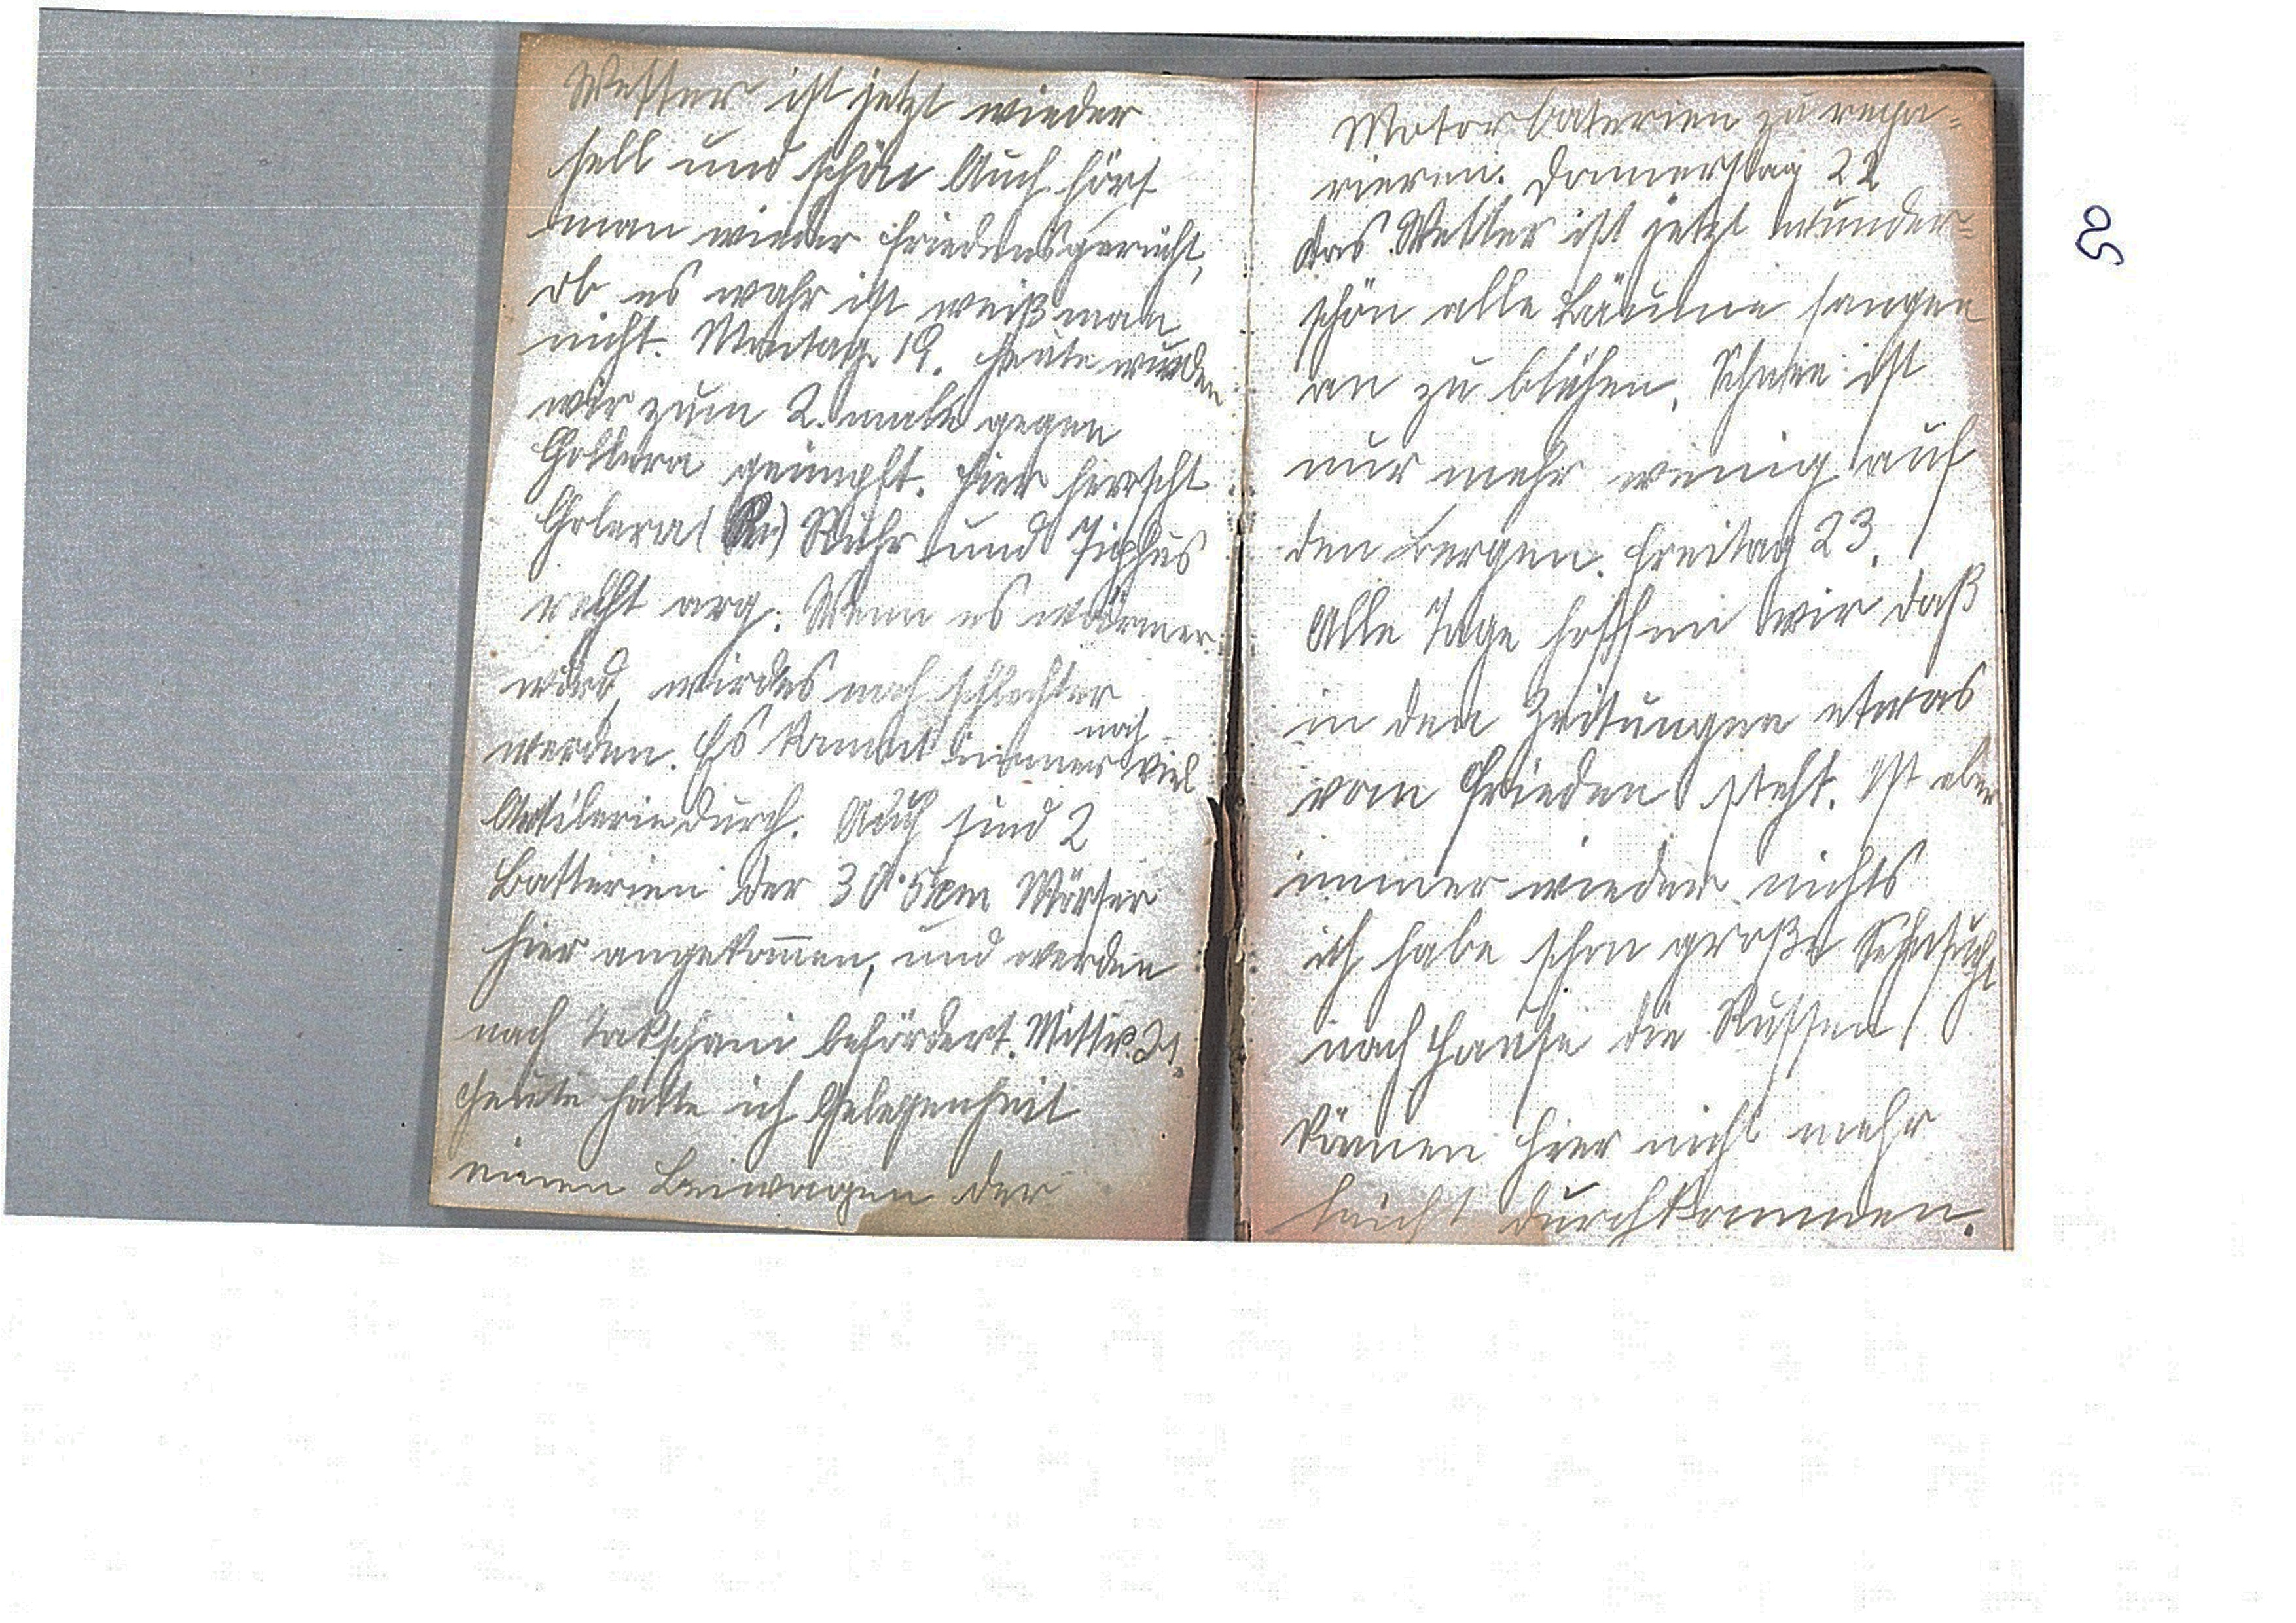Wetter ist jetzt wieder
hell und schön Auch hört
man wieder Friedensgerücht,
ob es wahr ist weiß man
nicht. Montag 19. Heute wurden
wir zum 2. mal gegen
Cholera geimpft. Hier herrscht
Cholera, Ruhr und Tiefus
recht arg. Wenn es wärmer
wird, wird es noch schlechter
werden. Es kommt immer noch viel
Artilerie durch. Auch sind 2
Batterien der 30.5 ern Mörser
hier angekommen, und werden
nach Takschani befördert. Mittw 21
heute hatte ich Gelegenheit
einen Beiwagen der
Motorbaterien zu repe-
rieren. Donnerstag 22
das Wetter ist jetzt wieder
schön alle Bäume fangen
an zu blühen. Schnee ist
nur mehr wenig auf
den Bergen. Freitag 23.
Alle Tage hoffen wir daß
in den Zeitungen etwas
vom Frieden steht. Ist aber
immer wieder nichts
ich habe schon große Sehnsucht
nach Hause die Russen
können hier nicht mehr
leicht durchkommen.